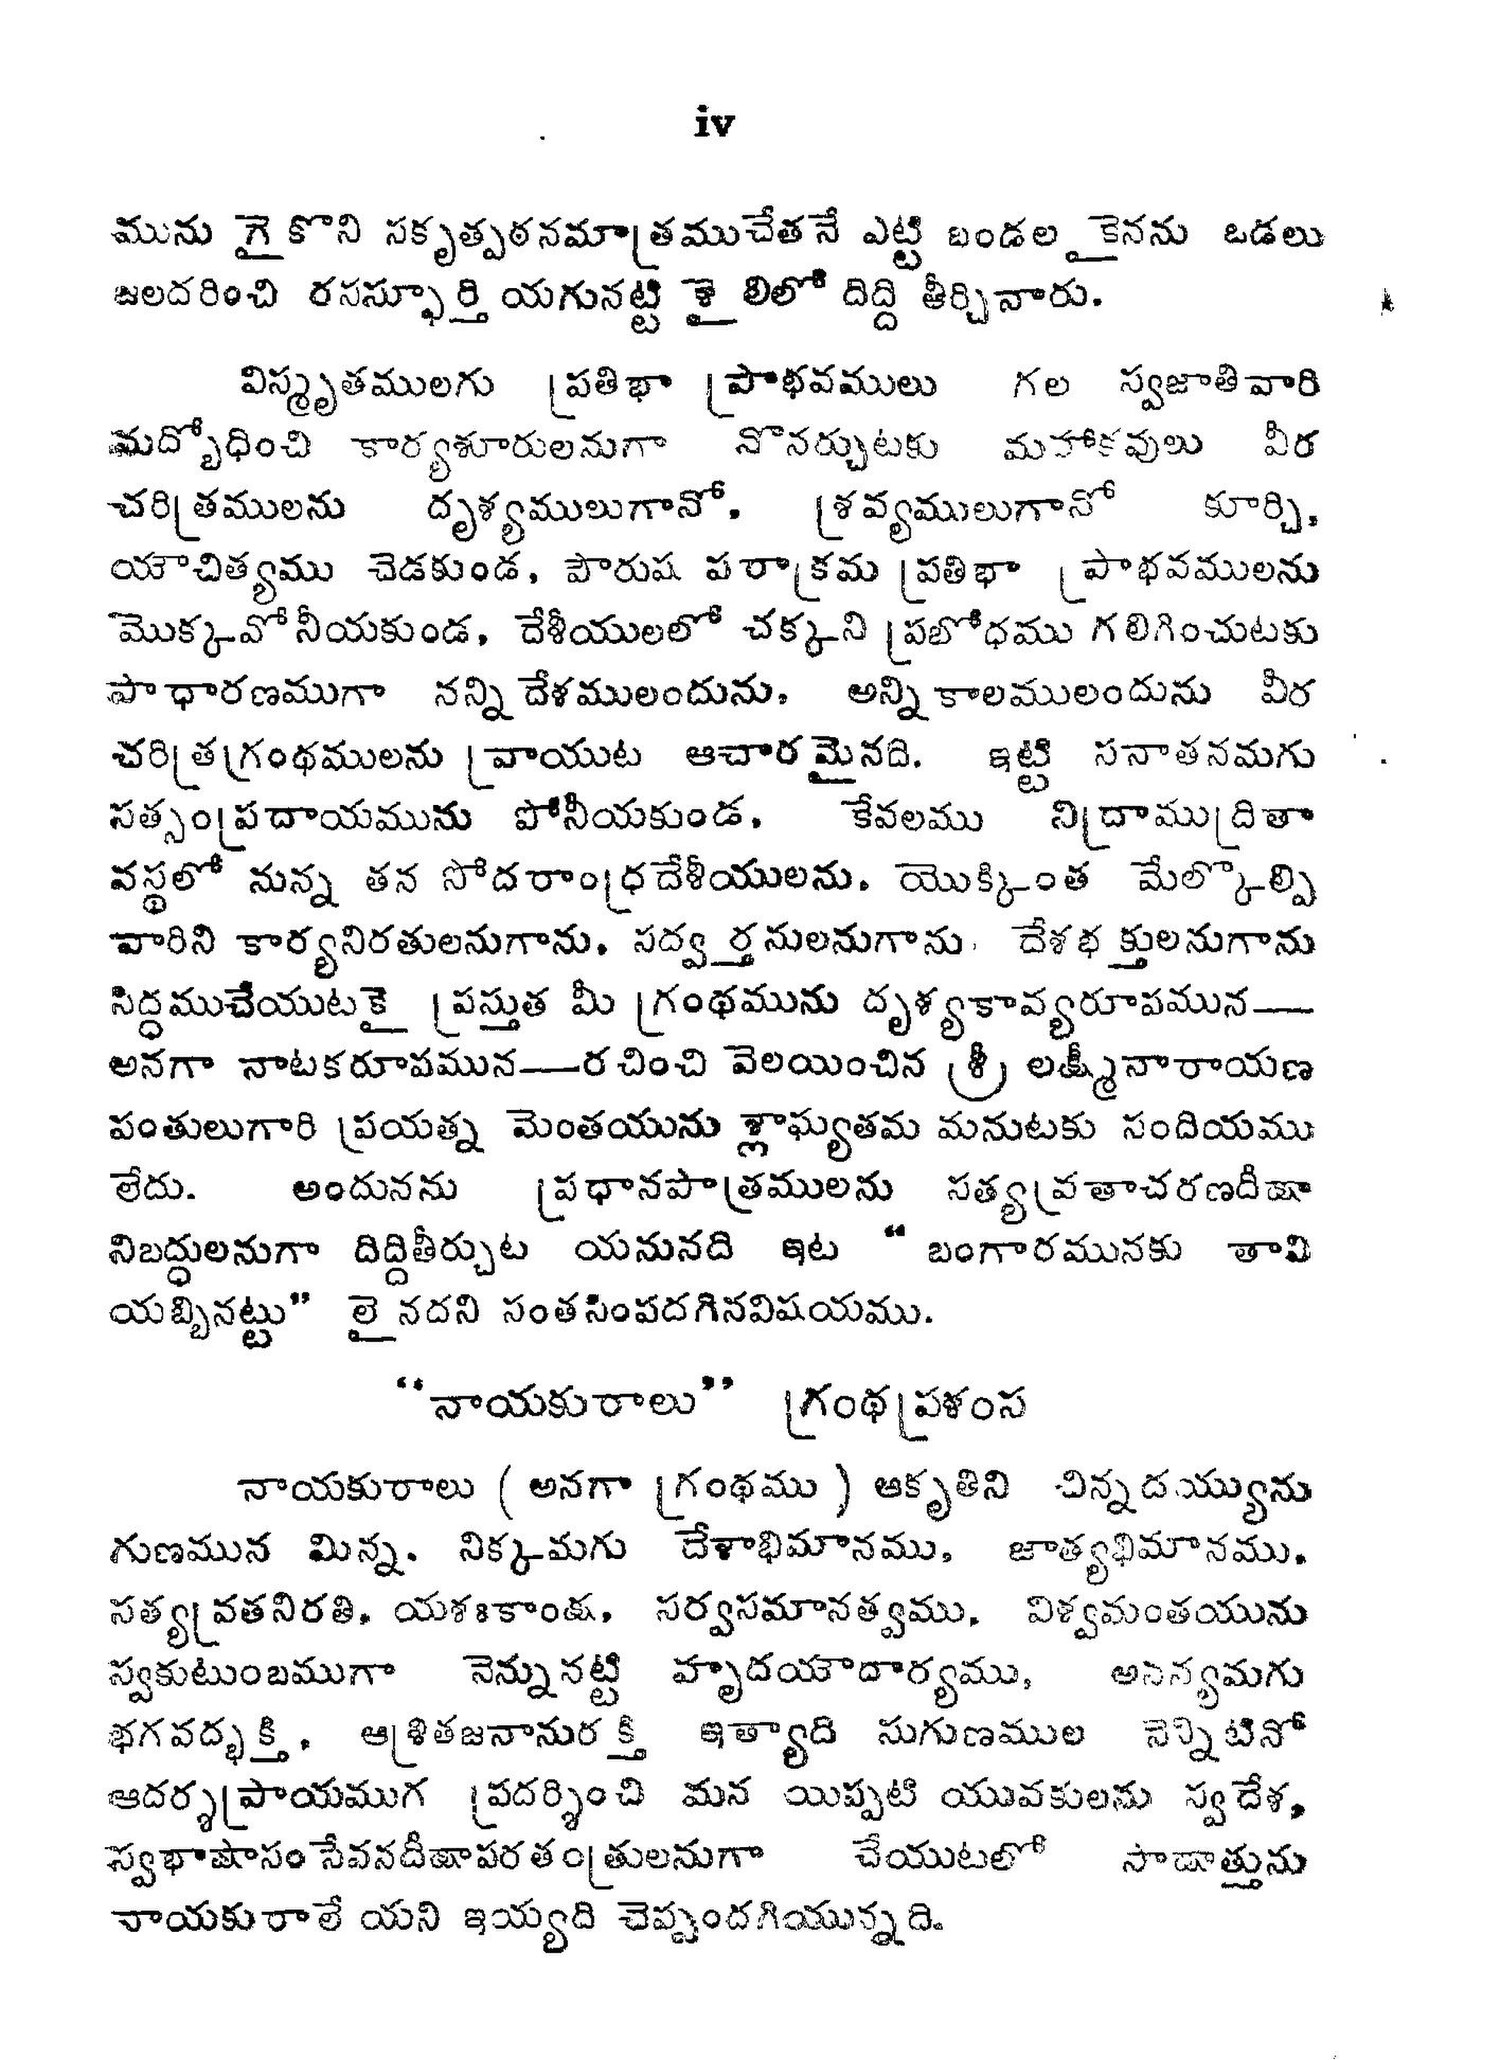మును గైకొని సకృత్పఠనమాత్రముచేతనే ఎట్టి బండల కైనను ఒడలు జలదరించి రసస్ఫూర్తి యగునట్టి శైలిలో దిద్ది తీర్చినారు.

విస్మృతములగు ప్రతిభా ప్రాభవములు గల స్వజాతి వారి మద్బోధించి కార్యశూరులనుగా నొనర్చుటకు మహాకవులు వీర చరిత్రములను దృశ్యములుగానో, శ్రవ్యములుగానో కూర్చి, యౌచిత్యము చెడకుండ , పౌరుష పరాక్రమ ప్రతిభా ప్రాభవములను మొక్కవోనీయకుండ, దేశీయులలో చక్కని ప్రబోధము గలిగించుటకు సాధారణముగా నన్ని దేశములందును, అన్నికాలములందును వీరచరిత్ర గ్రంథములను వ్రాయుట ఆచారమైనది. ఇట్టి సనాతనమగు సత్సంప్రదాయమును పోనీయకుండ,
కేవలము నిద్రాముద్రితావస్థలో నున్న తన సోదరాంధ్ర దేశీయులను, యొక్కింత మేల్కొల్పి వారిని కార్యనిరతులనుగాను, సద్వర్తనులనుగాను, దేశభక్తులనుగాను సిద్ధముచేయుటకై ప్రస్తుత మీ గ్రంథమును దృశ్యకావ్యరూపమున - అనగా నాటకరూపమున - రచించి వెలయించిన శ్రీ లక్మీనారాయణ పంతులుగారి ప్రయత్న మెంతయును శ్లాఘ్యతమ మనుటకు సందియము లేదు. అందునను ప్రధానపాత్రములను సత్యవ్రతాచరణదీక్షా నిబద్ధులనుగా దిద్దితీర్చుట యనునది ఇట "బంగారమునకు తావి యబ్బినట్టు" లైనదని సంతసింపదగినవిషయము.

నాయకురాలు ( అనగా గ్రంథము ) ఆకృతిని చిన్నదయ్యును గుణమున మిన్న, నిక్కమగు దేశాభిమానము, జాత్యభిమానము, సత్యవ్రతనిరతి, యశఃకాంక్ష, సర్వసమానత్వము, విశ్వమంతయును స్వకుటుంబముగా నెన్నునట్టి హృదయౌదార్యము, అనన్యమగు భగవద్భక్తి , ఆశ్రితజనానురక్తి ఇత్యాది సుగుణముల నెన్నిటినో ఆదర్శప్రాయముగ ప్రదర్శించి మన యిప్పటి యువకులను స్వదేశ, స్వభాషాసంసేవనదీక్షాపరతంత్రులనుగా చేయుటలో సాక్షాత్తును నాయకురాలే యని ఇయ్యది చెప్పందగియున్నది.